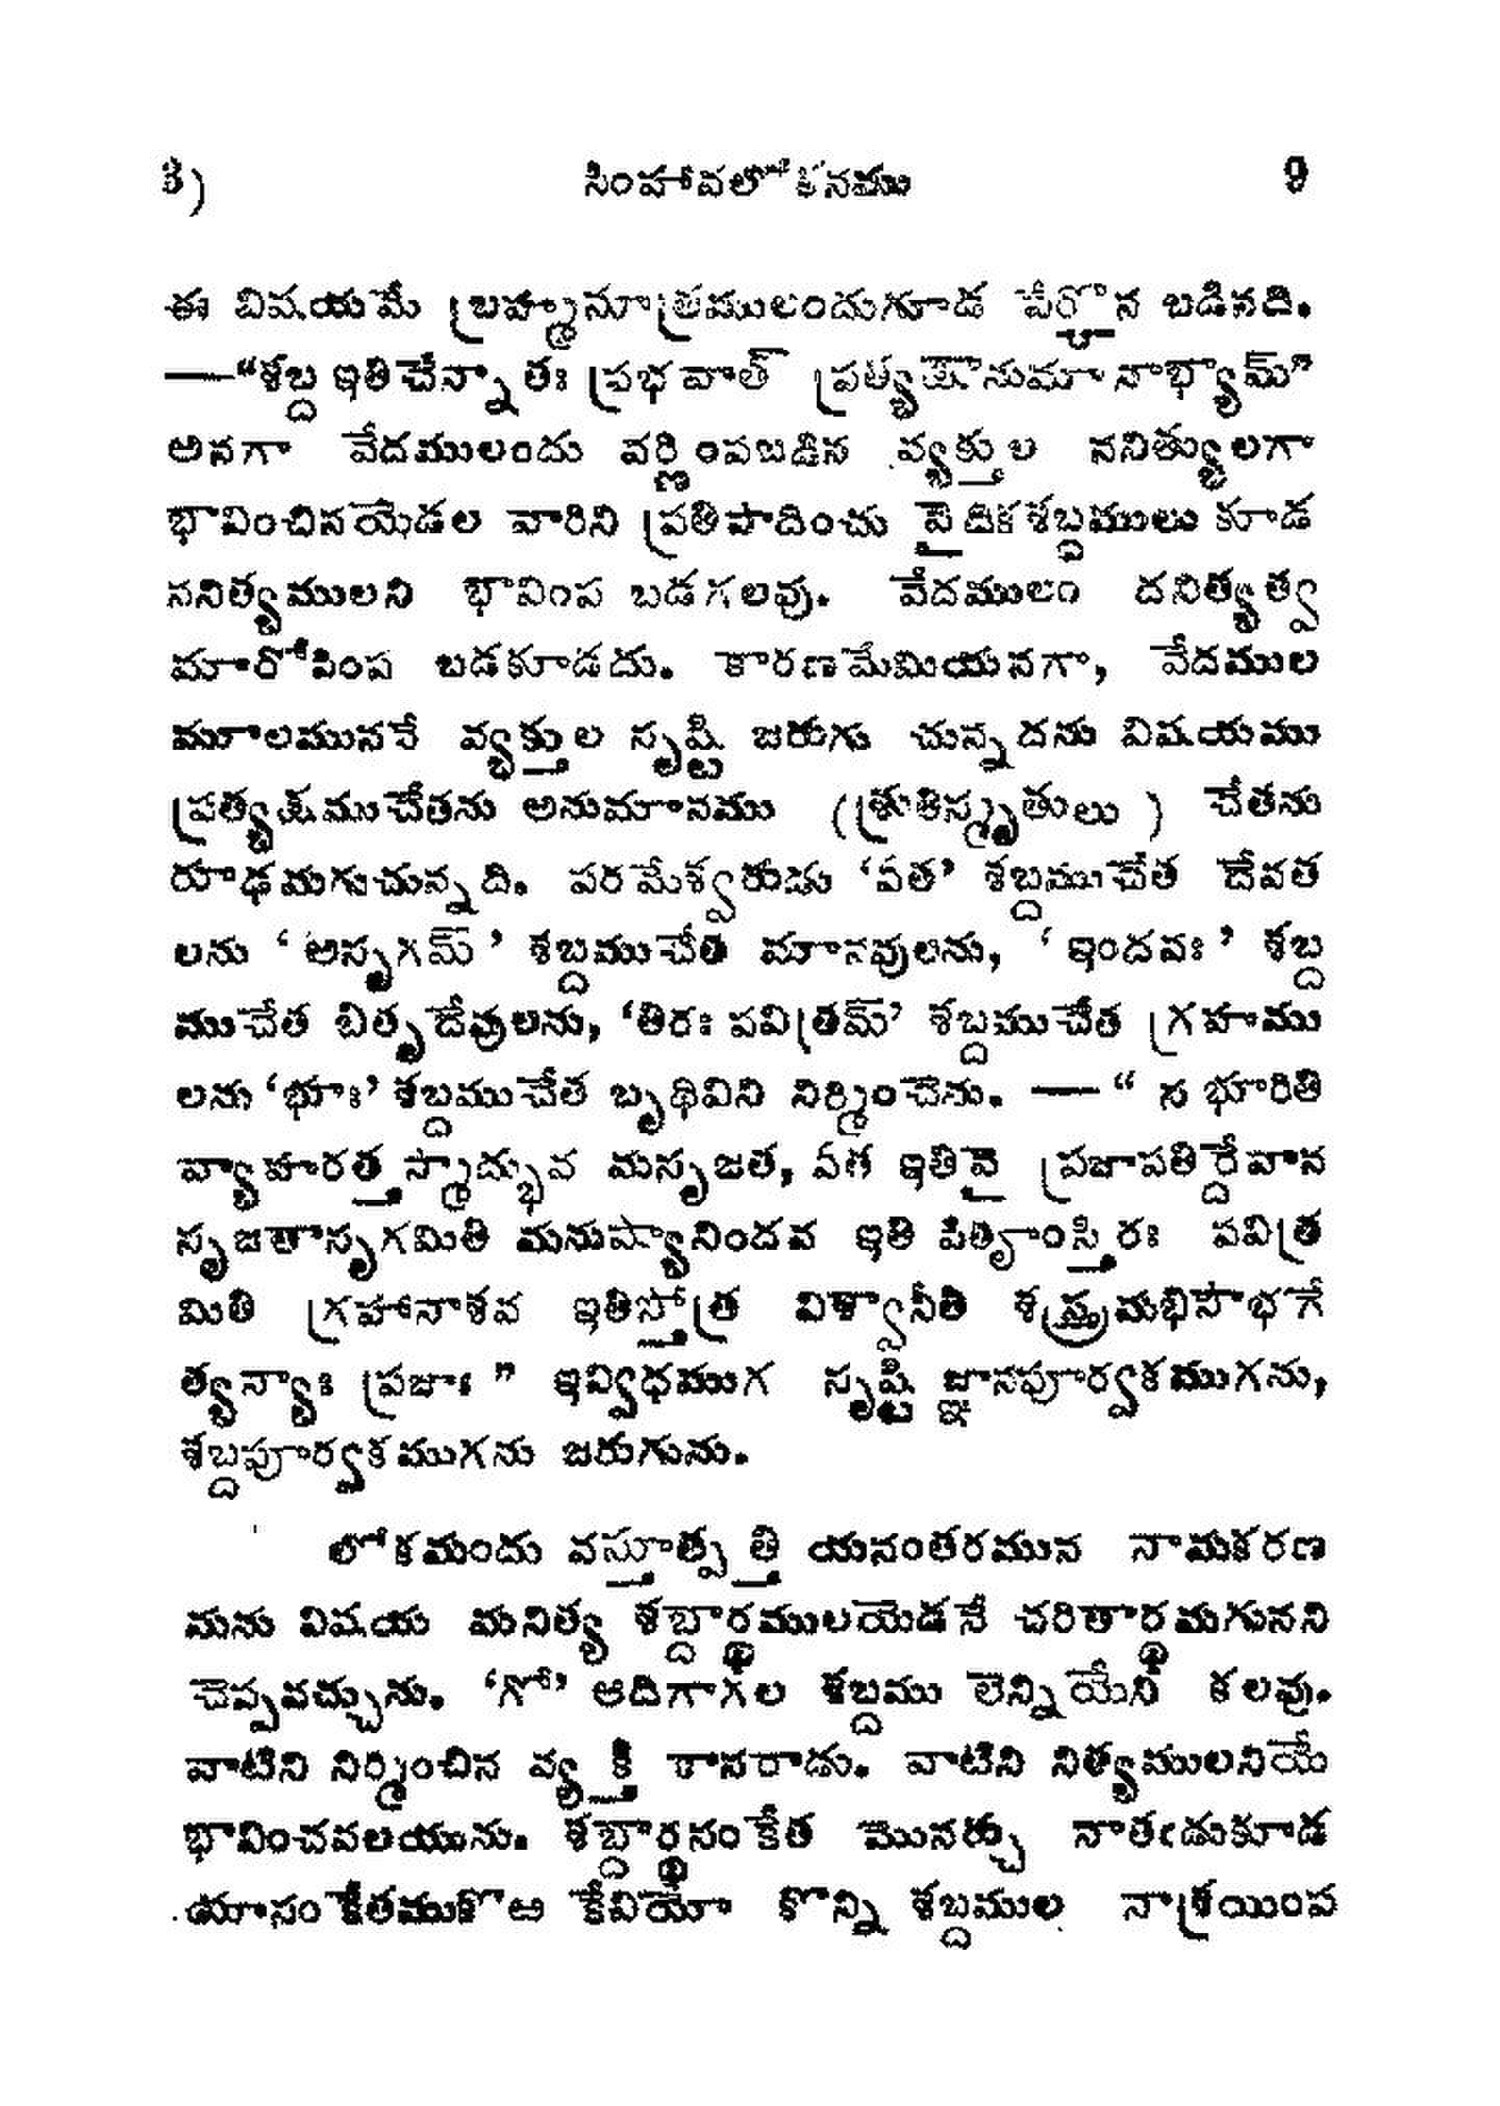ఈ విషయమే బ్రహ్మసూత్రములందుగూడ పేర్కొన బడినది.
-“శబ్ద ఇతిచేన్నాతఃః ప్రభవాత్ ప్రత్యక్షానుమానాభ్యామ్"
అనగా వేదములందు వర్ణింపబడిన వ్యక్తుల ననిత్యులగా
భావించినయెడల వారిని ప్రతిపాదించు వైదికశబ్దములు కూడ
సనిత్యములని భావింప బడగలవు. వేదములం దనిత్యత్వ
మారోపింప బడకూడదు. కారణమేమియనగా, వేదముల
మూలముననే వ్యక్తుల సృష్టి జరుగు చున్నదను విషయము
ప్రత్యక్షముచేతను అనుమానము (శ్రుతిస్మృతులు ) చేతను 
రూఢమగుచున్నది. పరమేశ్వరుడు "ఏత' శబ్దము చేత దేవత
లను ' అసృగమ్' శబ్దము చేత మానవులను, 'ఇందవః' శబ్ద
ముచేత బితృదేవులను, 'తిరః పవిత్రమ్' శబ్దము చేత గ్రహము
లను 'భూః' శబ్దముచేత బృథివిని నిర్మించెను. - "స భూరితి
వ్యాహరత్త స్మాద్భువ మసృజత, ఏత ఇతివై ప్రజాపతిర్దేవాన
సృజతాసృగమితి మనుష్యానిందవ ఇతి పితౄంస్తిరః పవిత్ర
మితి గ్రహానాశవ ఇతిస్తోత్ర విశ్వానీతి శాస్త్రమభిసౌభగే
త్యన్యాః ప్రజాః " ఇవ్విధముగ సృష్టి జ్ఞానపూర్వకముగను,
శబ్దపూర్వకముగను జరుగును.

లోకమందు వస్తూత్పత్తి యనంతరమున నామకరణమను 
విషయ మనిత్య శబ్దార్థములయెడనే చరితార్థమగునని
చెప్పవచ్చును. ‘గో’ ఆదిగాగల శబ్దము లెన్నియేని కలవు.
వాటిని నిర్మించిన వ్యక్తి కానరాడు. వాటిని నిత్యములనియే
భావించవలయును. శబ్దార్థనంకేత మొనర్చ నాతఁడుకూడ
.యాసం కేతముకొఱ కేవియో కొన్ని శబ్దముల నాశ్రయింప